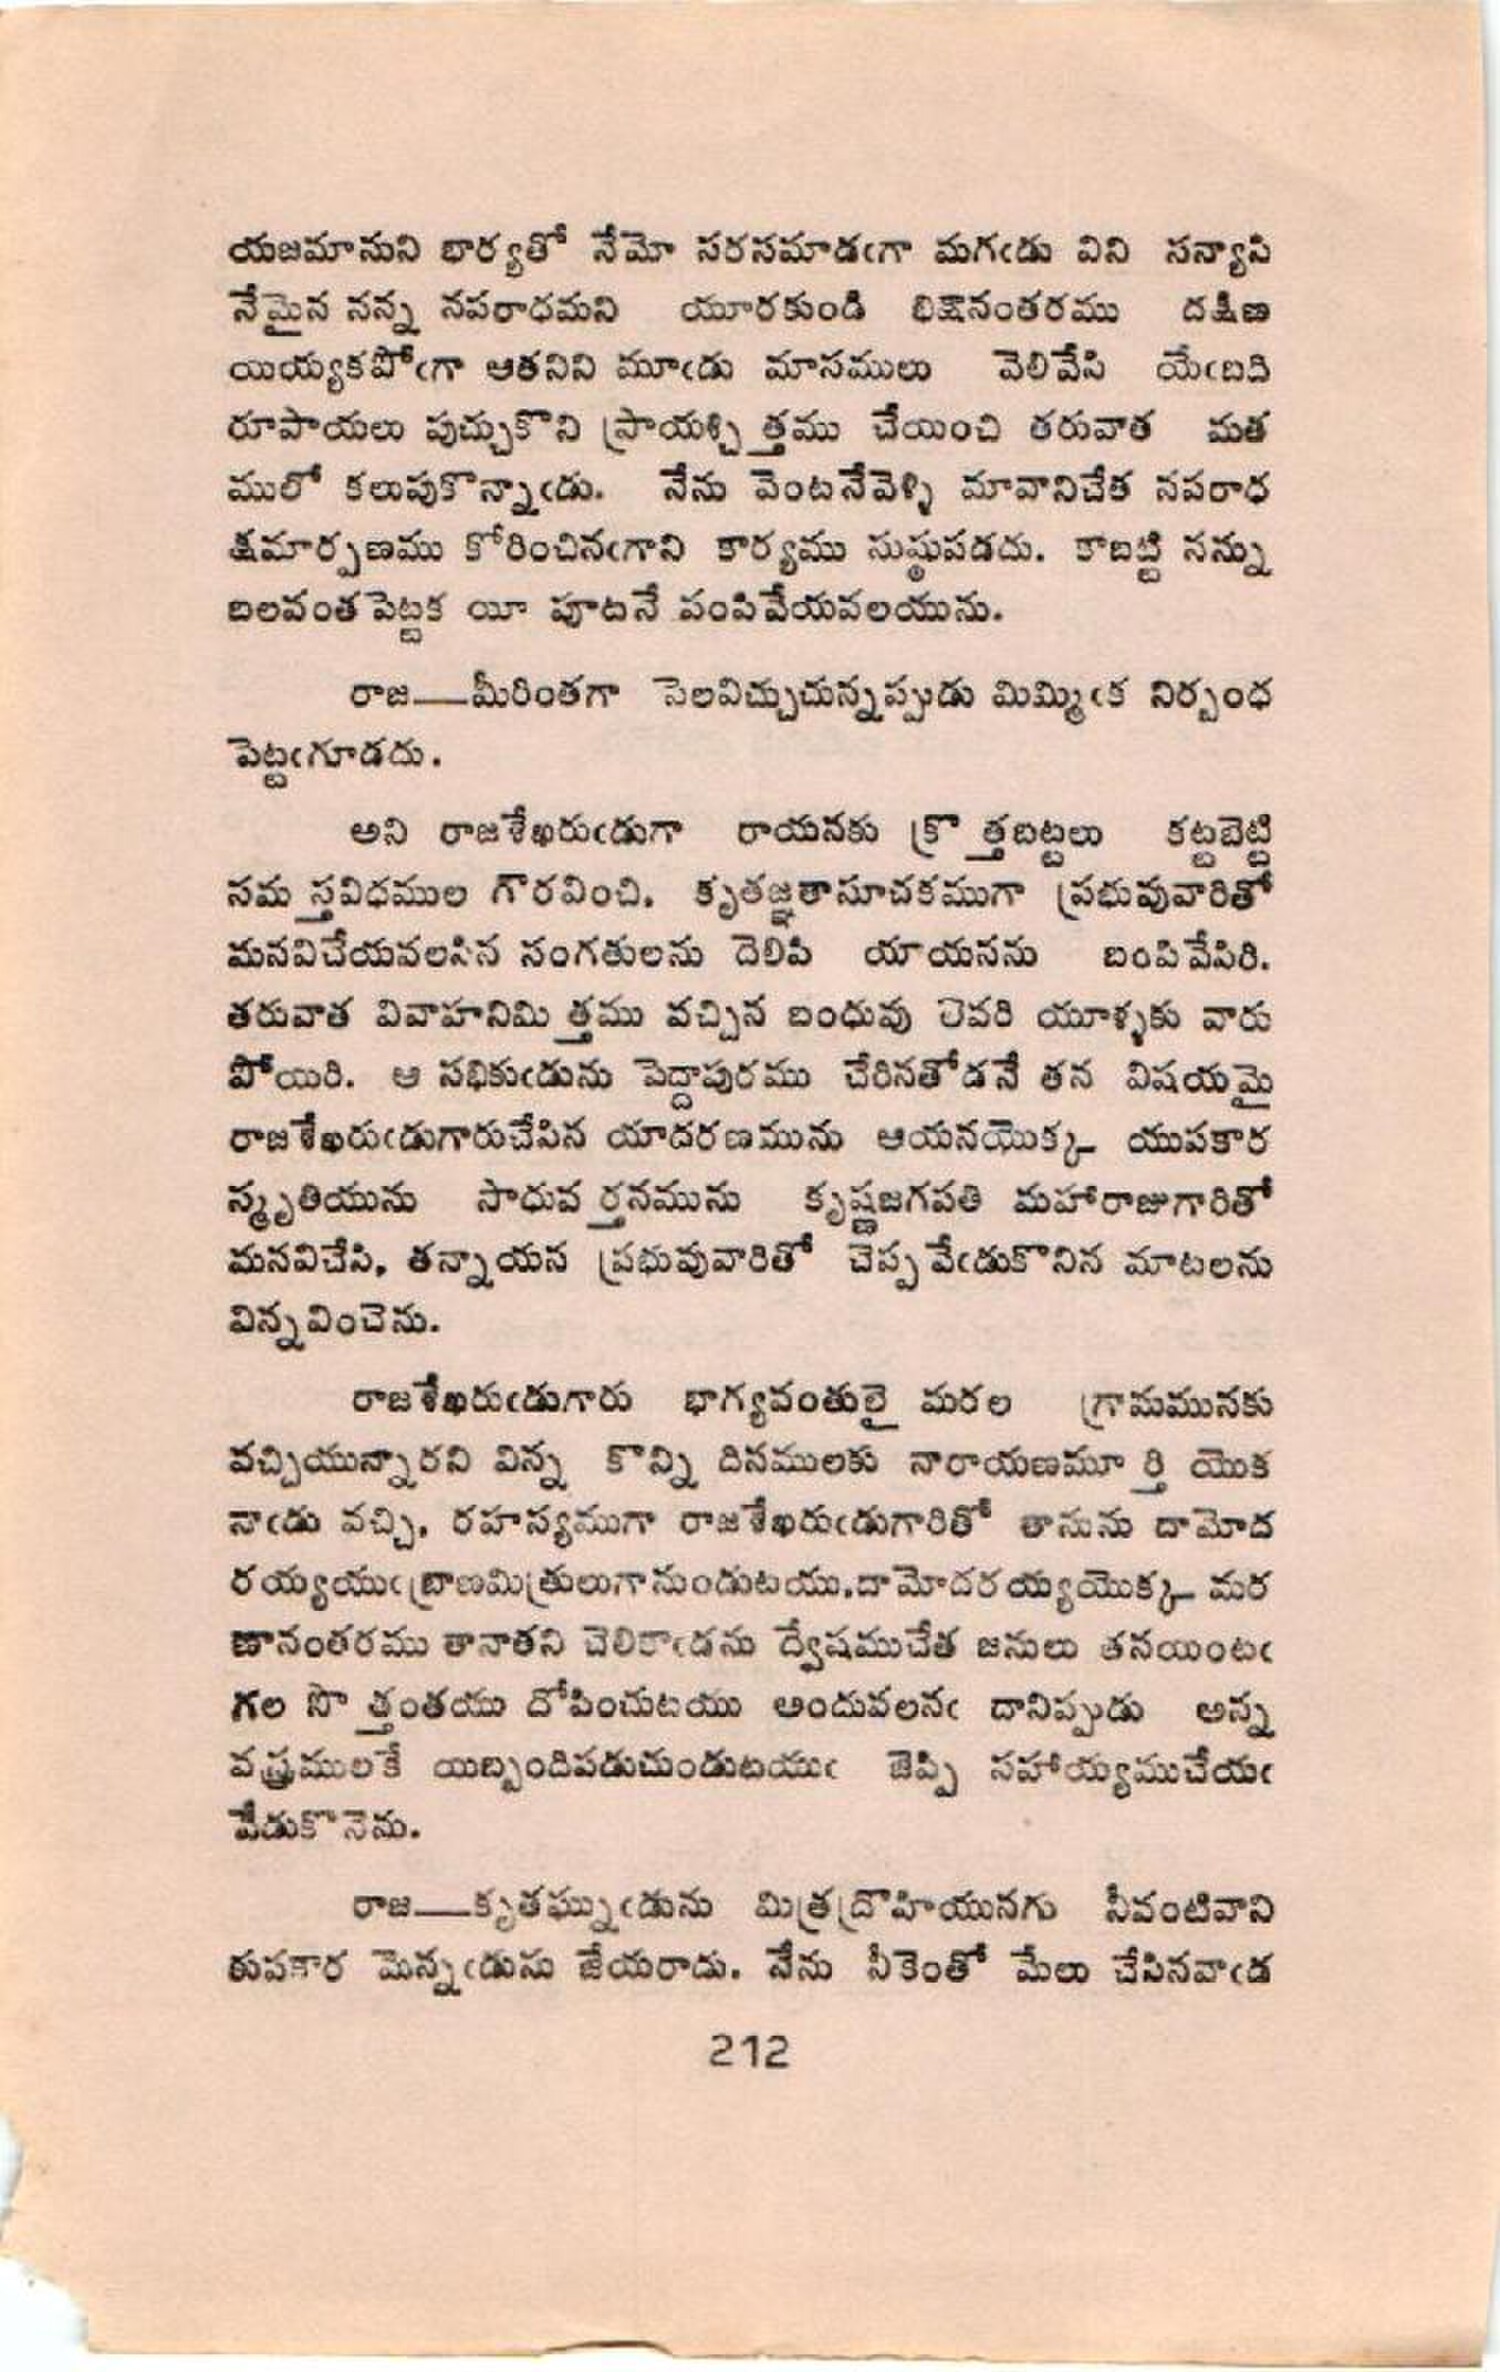యజమానుని భార్యతో నేమో సరసమాడఁగా మగఁడు విని సన్యాసి నేమైన నన్న నపరాధమని యూరకుండి భిక్షానంతరము దక్షిణ యియ్యకపోగా ఆతనిని మూఁడు మాసములు వెలివేసి యేఁబది రూపాయలు పుచ్చుకొని ప్రాయశ్చిత్తము చేయించి తరువాత మతములో కలుపుకొన్నాడు. నేను వెంటనే వెళ్ళి మావానిచేత నపరాధ క్షమార్పణము కోరించినఁగాని కార్యము సుష్టుపడదు. కాబట్టి నన్ను బలవంతపెట్టక యీ పూటనే పంపివేయవలయును.

రాజ__మీరింతగా సెలవిచ్చుచున్నప్పుడు మిమ్మిఁక నిర్బంధ పెట్టఁగూడదు.

అని రాజశేఖరుడుగా రాయనకు క్రొత్తబట్టలు కట్టబెట్టి సమస్త విధముల గౌరవించి, కృతజ్ఞతాసూచకముగా ప్రభువువారితో మనవిచేయవలసిన సంగతులను దెలిపి యాయనను బంపివేసిరి. తరువాత వివాహ నిమిత్తము వచ్చిన బంధువు లెవరి యూళ్ళకు వారు పోయిరి. ఆ సభికుఁడును పెద్దాపురము చేరినతోడనే తన విషయమై రాజశేఖరుఁడుగారుచేసిన యాదరణమును ఆయనయొక్క యుపకార స్మృతియును సాధువర్తనమును కృష్ణజగపతి మహారాజుగారితో మనవిచేసి, తన్నాయన ప్రభువువారితో చెప్పవేఁడుకొనిన మాటలను విన్నవించెను.

రాజశేఖరుఁడుగారు భాగ్యవంతులై మరల గ్రామమునకు వచ్చియున్నారని విన్న కొన్ని దినములకు నారాయణమూర్తి యొక నాఁడు వచ్చి, రహస్యముగా రాజశేఖరుఁడుగారితో తానును దామోదరయ్యయు బ్రాణమిత్రులుగానుండుటయు,దామోదరయ్యయొక్క మర ణానంతరము తానాతని చెలికాడను ద్వేషముచేత జనులు తనయింటఁ గల సొత్తంతయు దోపించుటయు అందువలనఁ దానిప్పుడు అన్న వస్త్రములకే యిబ్బందిపడుచుండుటయుఁ జెప్పి సహాయ్యముచేయఁ వేడుకొనెను.

రాజ__కృతఘ్నుఁడును మిత్ర దొహియునగు నీవంటివాని కుపకార మెన్నఁడును జేయరాదు. నేను నీకెంతో మేలు చేసినవాడ